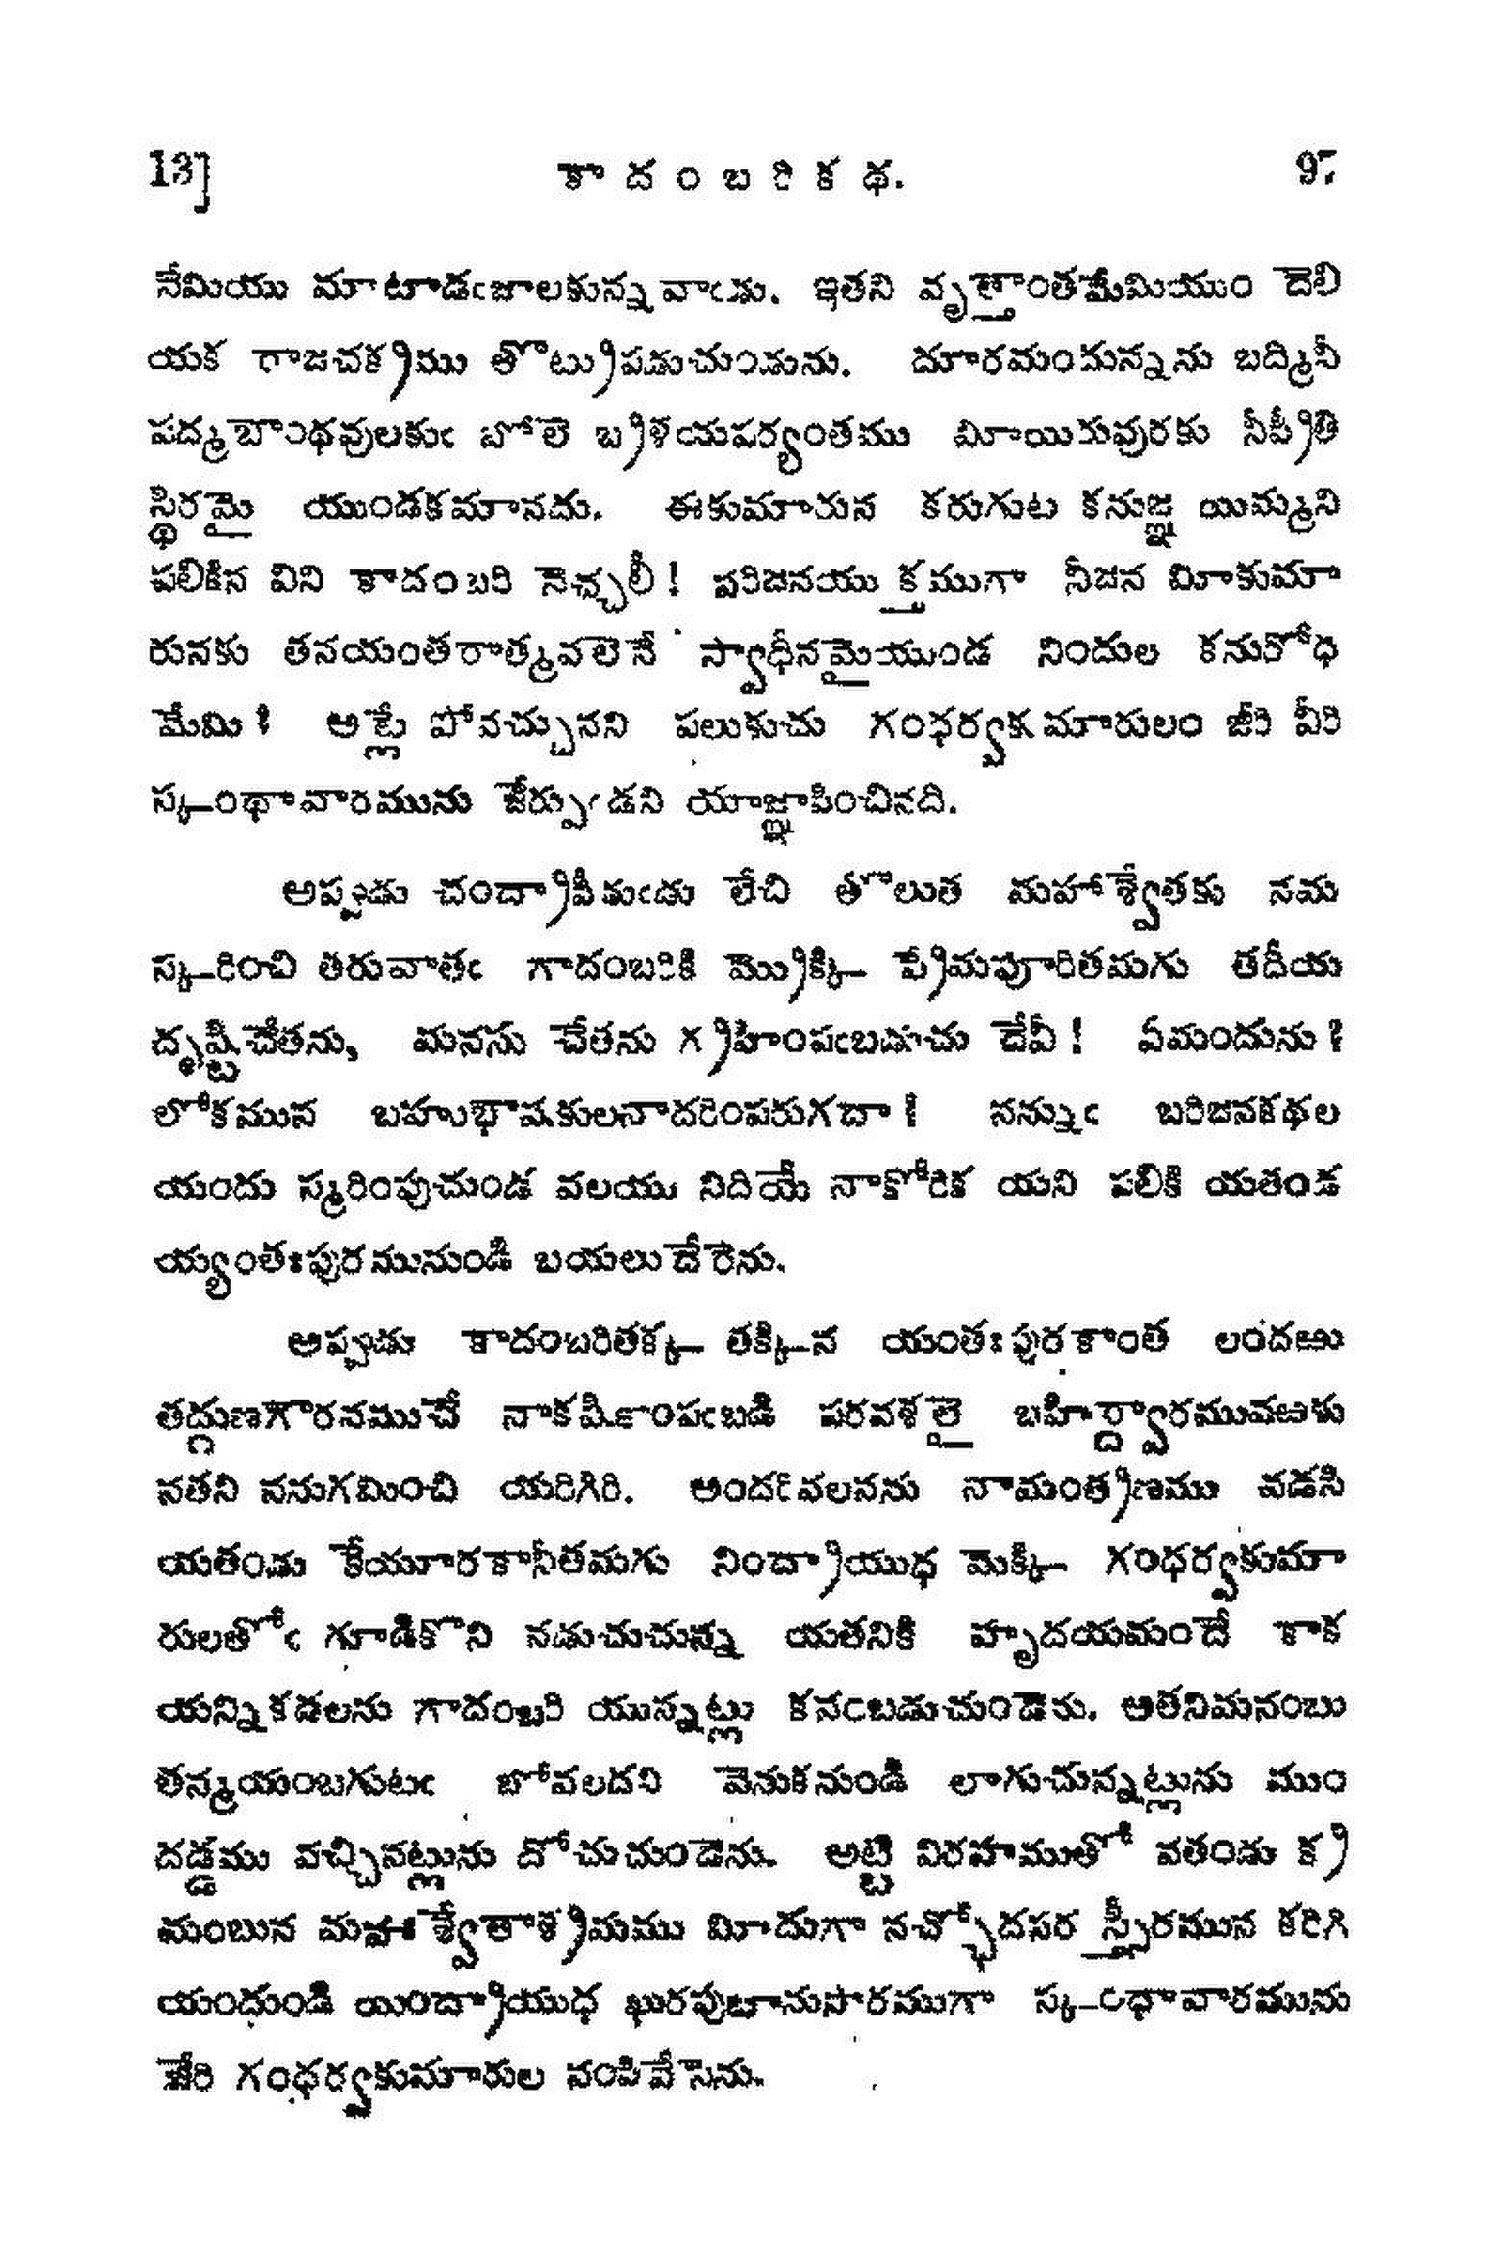నేమియు మాటాడఁజాలకున్నవాఁడు. ఇతని వృత్తాంతమేమియుం దెలియక రాజచక్రము తొట్రుపడుచుండును. దూరమందున్నను బద్మినీపద్మబాంథవులకుఁ బోలె బ్రళయపర్యంతము మీయిరువురకు నీప్రీతి స్థిరమై యుండకమానదు. ఈకుమారున కరుగుట కనుజ్ఞ యిమ్మని పలికిన విని కాదంబరి నెచ్చలీ! పరిజనయుక్తముగా నీజన మీకుమారునకు తనయంతరాత్మవలెనే స్వాధీనమైయుండ నిందుల కనురోధ మేమి? అట్లే పోవచ్చునని పలుకుచు గంధర్వకుమారులం జీరి వీరి స్కంథావారమును జేర్పుఁడని యాజ్ఞాపించినది.

అప్పుడు చంద్రాపీడుఁడు లేచి తొలుత మహాశ్వేతకు నమస్కరించి తరువాతఁ గాదంబరికి మ్రొక్కి ప్రేమపూరితమగు తదీయ దృష్టిచేతను, మనసు చేతను గ్రహింపఁబడుచు దేవీ! ఏమందును? లోకమున బహుభాషకులనాదరింపరుగదా? నన్నుఁ బరిజనకథల యందు స్మరింపుచుండ వలయు నిదియే నాకోరిక యని పలికి యతండ య్యంతఃపురమునుండి బయలుదేరెను.

అప్పుడు కాదంబరితక్క తక్కిన యంతఃపురకాంత లందఱు తద్గుణగౌరవముచే నాకషి౯ంపఁబడి పరవశలై బహిర్ద్వారమువఱకు నతని ననుగమించి యరిగిరి. అందరివలనను నామంత్రణము వడసి యతండు కేయూరకానీతమగు నింద్రాయుధ మెక్కి గంధర్వకుమారులతోఁ గూడికొని నడుచుచున్న యతనికి హృదయమందే కాక యన్నికడలను గాదంబరి యున్నట్లు కనంబడుచుండెను. అతనిమనంబు తన్మయంబగుటఁ బోవలదని వెనుకనుండి లాగుచున్నట్లును ముం దడ్డము వచ్చినట్లును దోచుచుండెను. అట్టి విరహముతో నతండు క్రమంబున మహాశ్వేతాశ్రమము మీదుగా నచ్ఛోదసర స్త్సీరమున కరిగి యందుండి యింద్రాయుధ ఖురపుబానుసారముగా స్కంధావారమును జేరి గంధర్వకుమారుల నంపివేసెను.